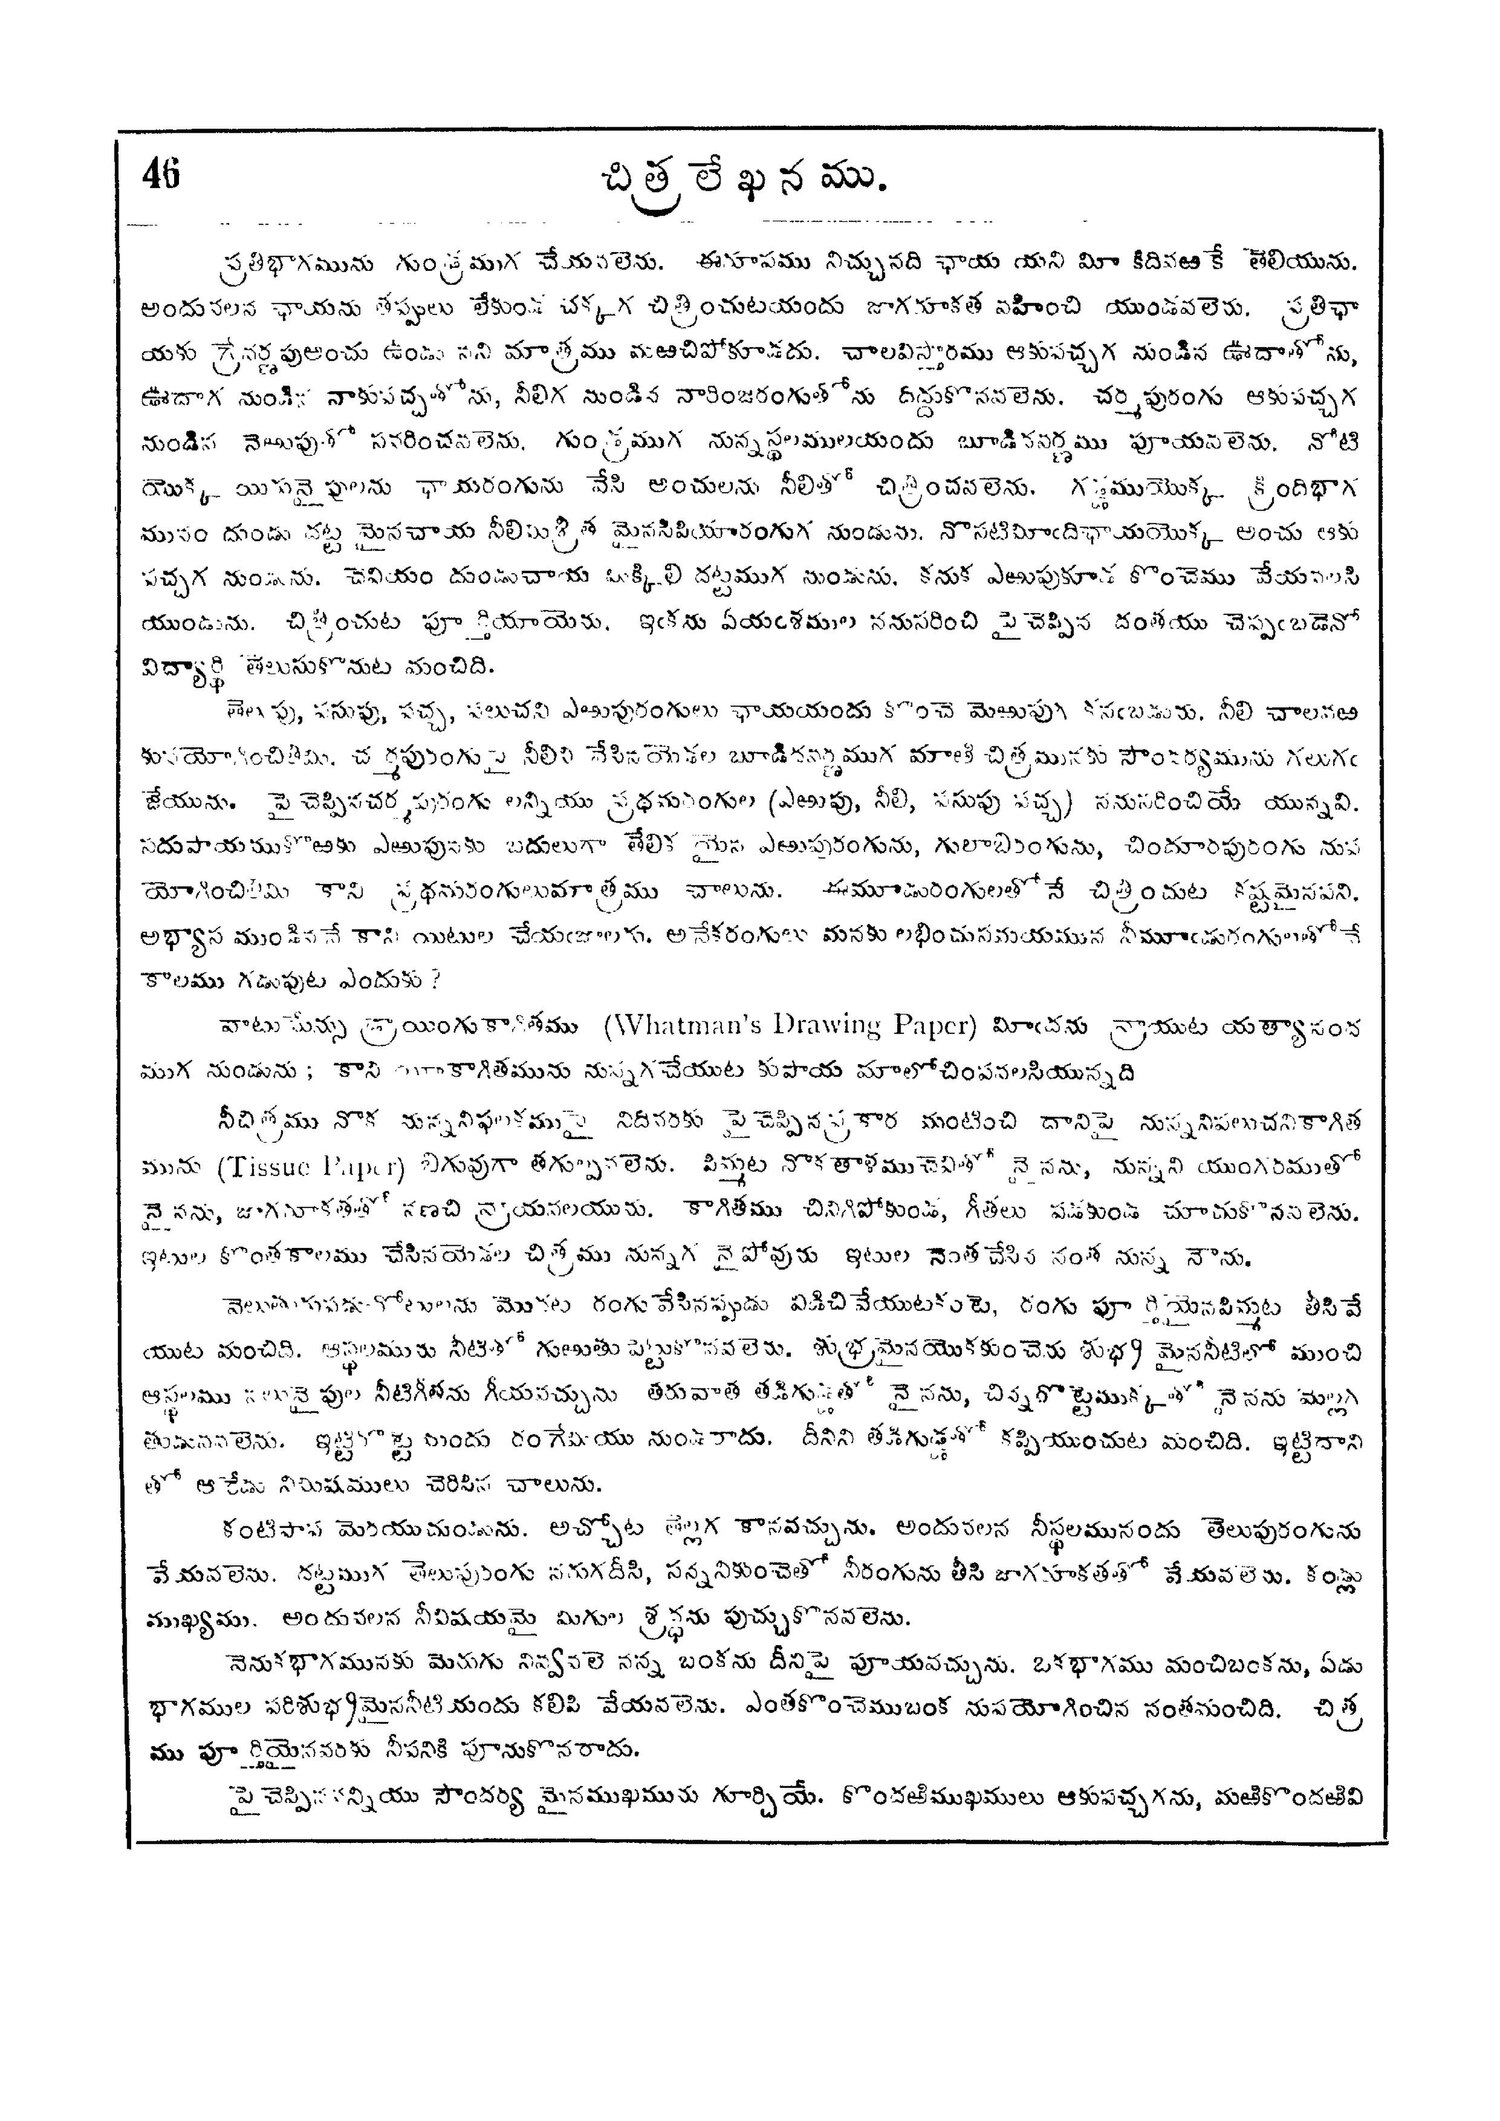ప్రతిభాగమును గుండ్రముగ చేయవలెను. ఈరూపము నిచ్చునది ఛాయ యని మీ కిదివఱకే తెలియును. అందువలన ఛాయను తప్పులు లేకుండ చక్కగ చిత్రించుటయందు జాగరూకత వహించి యుండవలెను. ప్రతిఛాయకు గ్రేవర్ణపుఅంచు ఉండు నని మాత్రము మఱచిపోకూడదు. చాలవిస్తారము ఆకుపచ్చగ నుండిన ఊదాతోను, ఊదాగా నుండిన నాకుపచ్చతోను, నీలిగ నుండిన నారింజరంగుతోను దిద్దుకొనవలెను. చర్మపురంగు ఆకుపచ్చగ నుండిన నెఱుపుతో సవరించవలెను. గుండ్రముగ నున్నస్థలములయందు బూడిదవర్ణము పూయవలెను. నోటియొక్క యిరువైపులను ఛాయరంగును వేసి అంచులను నీలితో చిత్రించవలెను. గడ్డముయొక్క క్రిందిభాగమునం దుండు దట్ట మైనఛాయ నీలిమిశ్రిత మైనసిపియారంగుగ నుండును. నొసటిమీదిఛాయయొక్క అంచు ఆకుపచ్చగ నుండును. చెవియం దుండుఛాయ మిక్కిలి దట్టముగ నుండును. కనుక ఎఱుపుకూడ కొంచెము వేయవలసి యుండును. చిత్రించుట పూర్తియాయెను. ఇంకను ఏయంశముల ననుసరించి పైచెప్పిన దంతయు చెప్పబడెనో విద్యార్థి తెలుసుకొనుట మంచిది.

తెలుపు, పసుపు, పచ్చ, పలుచని ఎఱుపురంగులు ఛాయయందు కొంచె మెఱుపుగ కనబడును. నీలి చాలవఱ కుపయోగించితిమి. చర్మపురంగుపై నీలిని వేసినయెడల బూడిదవర్ణముగ మాఱి చిత్రమునకు సౌందర్యమును గలుగజేయును. పై చెప్పినచర్మపురంగు లన్నియు ప్రథమరంగుల (ఎఱుపు, నీలి, పసు పచ్చ) ననుసరించియే యున్నవి. సదుపాయముకొఱకు ఎఱుపునకు బదులుగా తేలిక యైన ఎఱుపురంగును, గులాబిరంగును, చిందూరపురంగును నుపయోగించితిమి. కాని ప్రథమరంగులుమాత్రము చాలును. ఈమూడురంగులతోనే చిత్రించుట కష్టమైనపని. అభ్యాస ముండిననే కాని యిటుల చేయజాలరు. అనేకరంగులు మనకు లభించుసమయమున నీమూడురంగులతోనే కాలము గడుపుట ఎందుకు?

వాటుమేన్సు డ్రాయింగు కాగితము (Whatman's Drawing Paper) మీదను వ్రాయుట యత్యానందముగ నుండును; కాని యీకాగితమును నున్నగచేయుట కుపాయ మాలోచింపవలసియున్నది.

నీచిత్రము నొక నున్ననిఫలకముపై నిదివరకు పైచెప్పినప్రకార మంటించి దానిపై నున్నని పలుచని కాగితమును (Tissue Paper) బిగువుగా తగుల్పవలెను. పిమ్మట నొకతాళముచెవితో నైనను, నున్నని యుంగరముతో నైనను, జాగరూకతతో నణచి వ్రాయవలయును. కాగితము చినిగిపోకుండ, గీతలు పడకుండ చూచుకొనవలెను. ఇటుల కొంతకాలము చేసినయెడల చిత్రము నున్నగ నైపోవును. ఇటుల నెంతచేసిన నంత నున్న నౌను.

వెలుతురుపడు చోటులను మొదట రంగువేసినప్పుడు విడిచివేయుటకంటె, రంగు పూర్తియైన పిమ్మట తీసివేయుట మంచిది. ఆస్థలమును నీటితో గుఱుతుపెట్టుకొనవలెను. శుభ్రమైనయొకకుంచెను శుభ్రమైననీటిలో ముంచి ఆస్థలము నలువైపుల నీటిగీతను గీయవచ్చును. తరువాత తడిగుడ్డతో నైనను, చిన్నరొట్టెముక్కతో నైనను మెల్లగ తుడువవలెను. ఇట్టిరొట్టెయందు రంగేమియు నుండరాదు. దీనిని తడిగుడ్డతో కప్పియుంచుట మంచిది. ఇట్టిదానితో ఆరేడు నిమిషములు చెరిపిన చాలును.

కంటిపాప మెరయుచుండును. అచ్చోట తెల్లగ కానవచ్చును. అందువలన నీస్థలమునందు తెలుపురంగును వేయవలెను. దట్టముగ తెలుపురంగు నరుగదీసి, సన్ననికుంచెతో నీరంగును తీసి జాగరూకతతో వేయవలెను. కండ్లు ముఖ్యము. అందువలన నీవిషయమై మిగుల శ్రద్ధను పుచ్చుకొనవలెను.

వెనుకభాగమునకు మెరుగు నివ్వవలె నన్న బంకను దీనిపై పూయవచ్చును. ఒకభాగము మంచిబంకను, ఏడు భాగముల పరిశుభ్రమైన నీటియందు కలిపి వేయవలెను. ఎంతకొంచెము బంక నుపయోగించిన నంతమంచిది. చిత్రము పూర్తియైనవరకు నీపనికి పూనుకొనరాదు. 

పైచెప్పినవన్నియు సౌందర్య మైనముఖమును గూర్చియే. కొందఱిముఖములు ఆకుపచ్చగను, మఱికొందఱివి